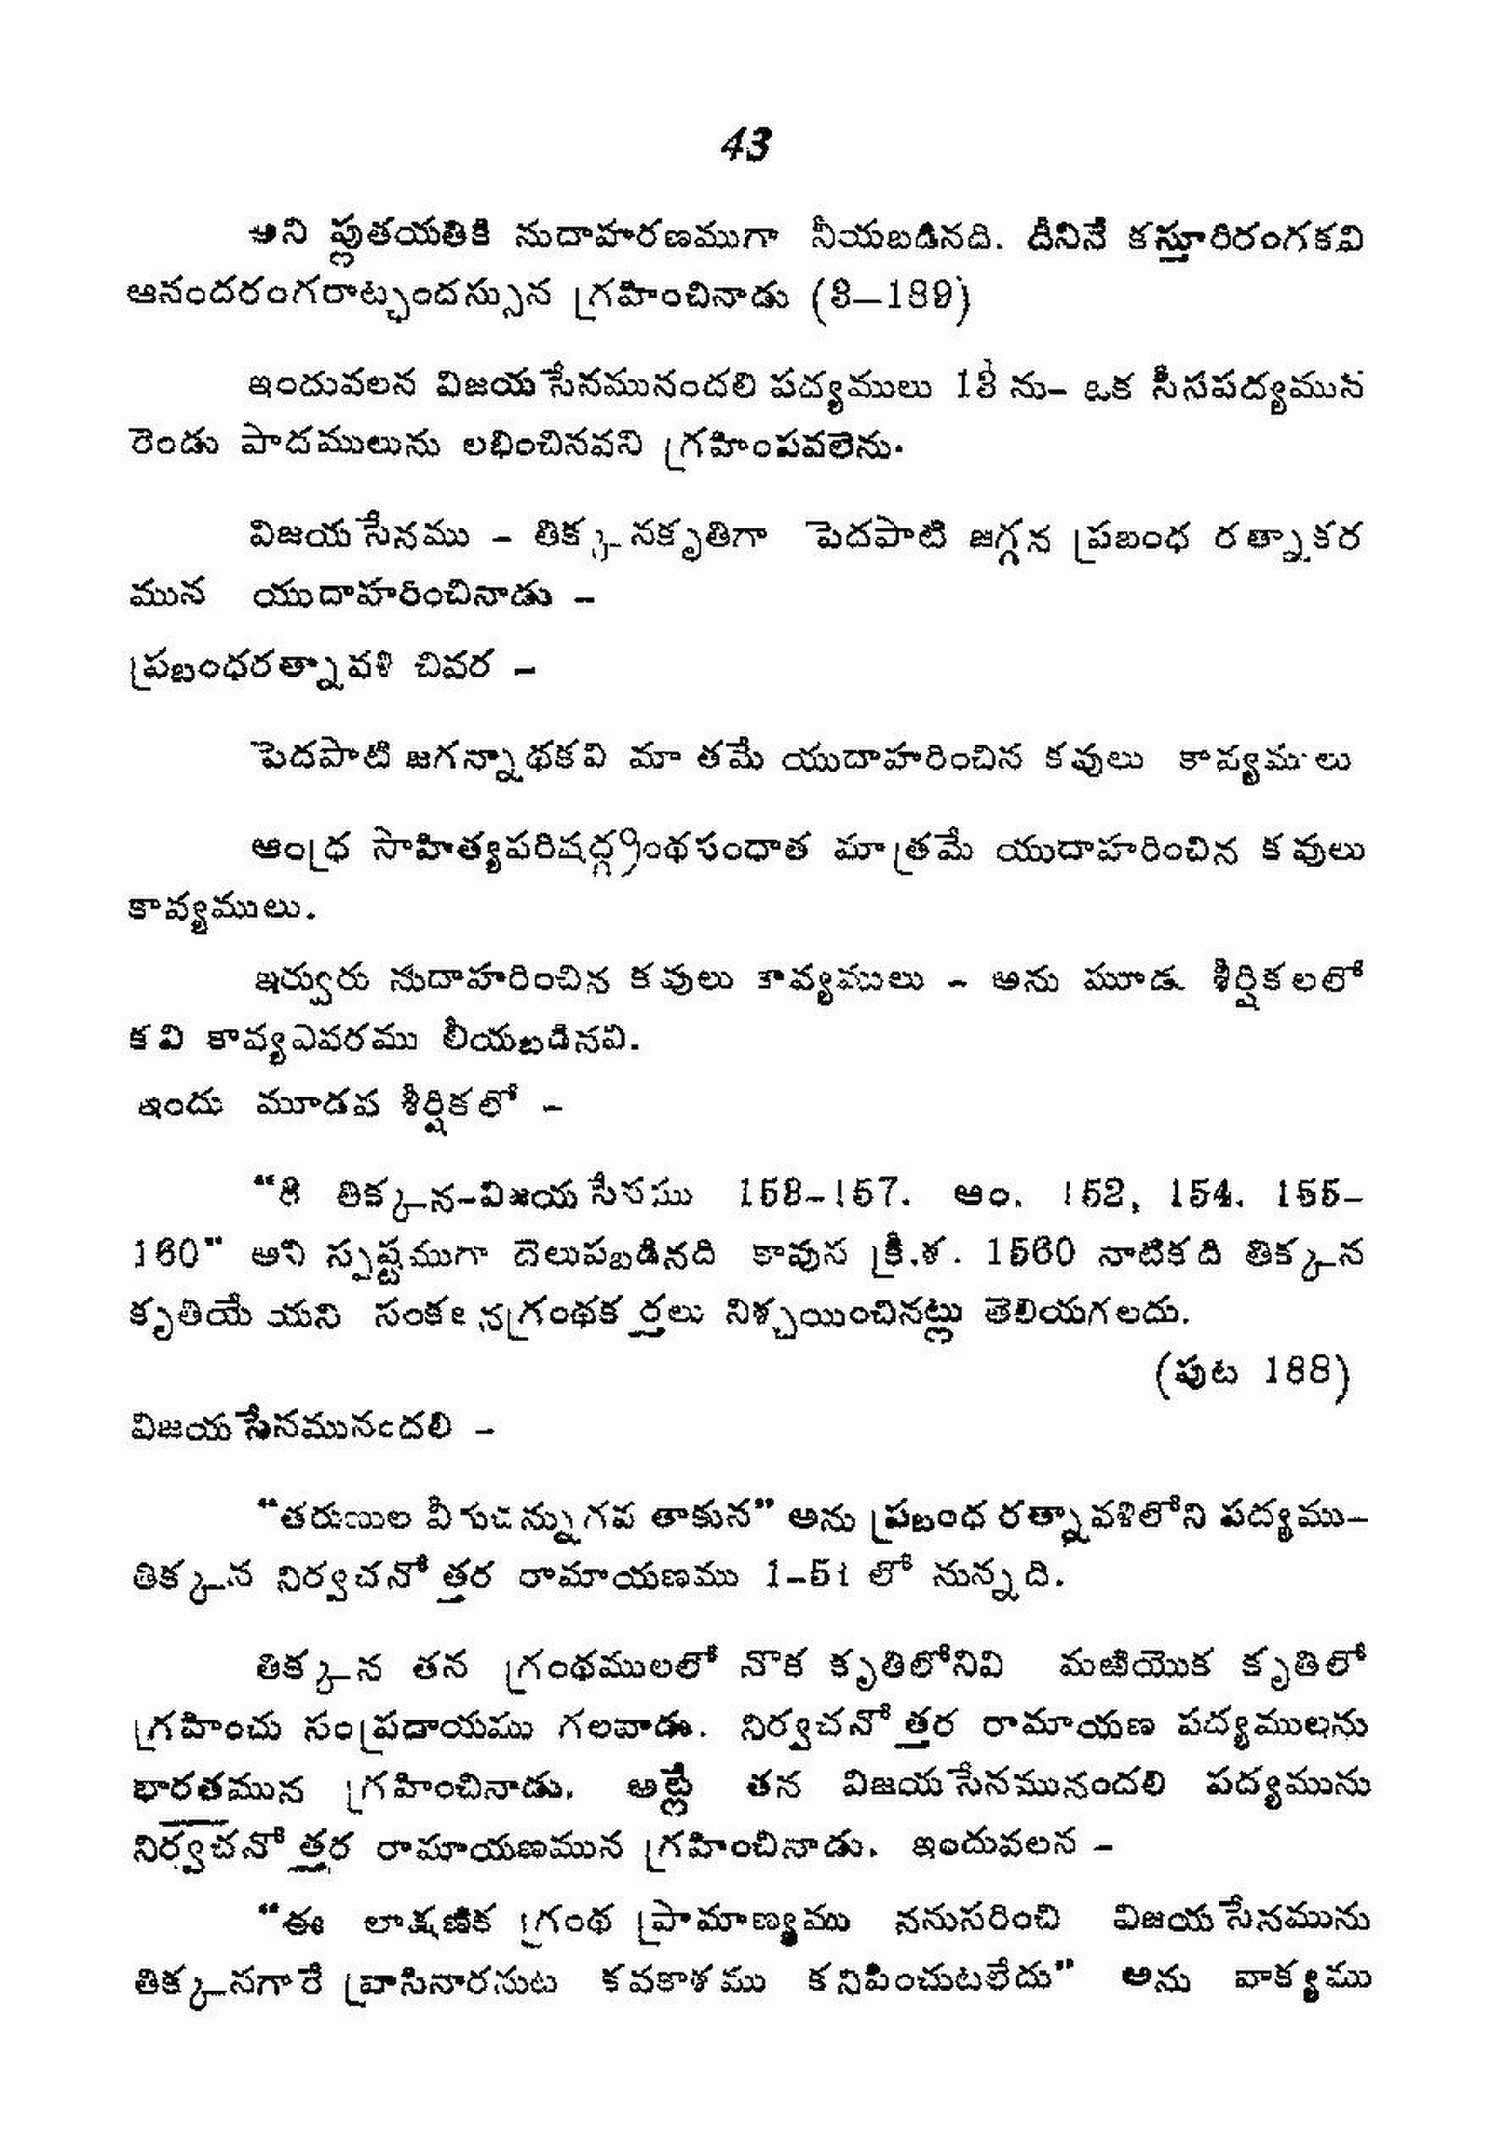మున
అని ప్లుతయతికి నుదాహరణముగా నీయబడినది. దీనినే కస్తూరిరంగకవి
ఆనందరంగరాట్ఛందస్సున గ్రహించినాడు (8–189)

ఇందువలన విజయ సేనమునందలి పద్యములు 18 ను- ఒక సీసపద్యమున
రెండు పాదములును లభించినవని గ్రహింపవలెను.

విజయ సేనము - తిక్కన కృతిగా పెదపాటి జగ్గన ప్రబంధ రత్నాకర
యుదాహరించినాడు

పెదపాటి జగన్నాథకవి మా త్రమే యుదాహరించిన కవులు కావ్యములు

ఆంధ్ర సాహిత్యపరిషద్గ్రంథ సంధాత మాత్రమే యుదాహరించిన కవులు
కావ్యములు.

ఇర్వురు సుదాహరించిన కవులు కావ్యములు అను మూడ శీర్షికలలో
కవి కావ్య వివరము లీయబడినవి.

“ి తిక్కన-విజయ సేనసు 168- ! 57. ఆం. 152, 154, 155-160" అని స్పష్టముగా 
దెలుపబడినది. కావున క్రీ.శ. 1580 నాటికది తిక్కనకృతియే యని సంకల నగ్రంథకర్తలు నిశ్చయించినట్లు తెలియగలదు.

“తరుణుల వీరుడన్నుగవ తాకున" అను ప్రబంధ రత్నావళిలోని పద్యము--
తిక్కన నిర్వచనోత్తర రామాయణము 1-51 లో నున్నది.

తిక్కన తన గ్రంథములలో నొక కృతిలోనివి మఱియొక కృతిలో
గ్రహించు సంప్రదాయము గలవాడు. నిర్వచనోత్తర రామాయణ పద్యములను
భారతమున గ్రహించినాడు, అట్లే తన విజయ సేనమునందలి పద్యమును
నిర్వచనోత్తర రామాయణమున గ్రహించినాడు. ఇందువలన -

“ఈ లాక్షణిక గ్రంథ ప్రామాణ్యము ననుసరించి విజయ సేనమును
తిక్కనగారే వ్రాసినారనుట కవకాశము కనిపించుటలేదు" అను వాక్యము